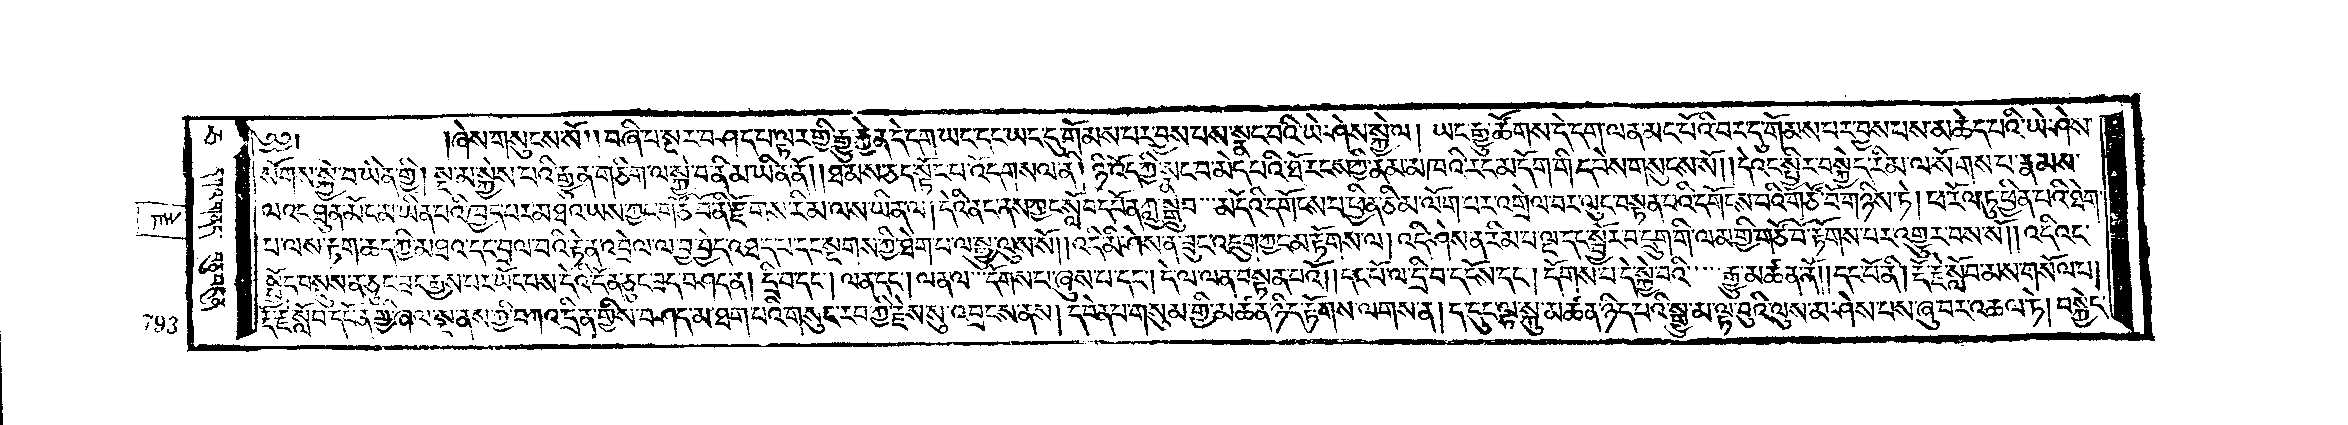༄༅། །ཞེས་གསུངས་སོ། །བཞི་པ་སྔར་བཤད་པ་ལྟར་གྱི་རྒྱུ་རྐྱེན་དེ་དག་ཡང་དང་ཡང་དུ་གོམས་པར་བྱས་པས་སྣང་བའི་ཡེ་ཤེས་སྐྱེ་ལ། ཡང་རྒྱུ་ཚོགས་དེ་དག་ལན་མང་པོའི་བར་དུ་གོམས་པར་བྱས་པས་མཆེད་པའི་ཡེ་ཤེས་
སོགས་སྐྱེ་བ་ཡིན་གྱི། སྔ་མ་སྐྱེས་པའི་རྒྱུན་གཅིག་ལ་སྐྱེ་བ་ནི་མ་ཡིན་ནོ། །ཐམས་ཅད་སྟོང་པ་འོད་གསལ་ནི། ཉི་འོད་ཀྱི་སྣང་བ་མེད་པའི་ཐོ་རངས་ཀྱི་ནམ་མཁའི་རང་མདོག་གི་དཔེས་གསུངས་སོ། །དེའང་སྤྱིར་བསྐྱེད་རིམ་ལ་སོགས་པ་རྣམས་
ལའང་ཐུན་མོང་མ་ཡིན་པའི་ཁྱད་པར་མཐའ་ཡས་ཀྱང་གཙོ་བོ་ནི་རྫོགས་རིམ་ལས་ཡིན་ལ། དེའི་ནང་ནས་ཀྱང་སློབ་དཔོན་ཀླུ་སྒྲུབ་མདོའི་དགོངས་པ་ཕྱིན་ཅི་མ་ལོག་པར་འགྲེལ་བར་ལུང་བསྟན་པའི་དགོངས་པའི་གཙོ་བོ་གཉིས་ཏེ། ཕ་རོལ་ཏུ་ཕྱིན་པའི་ཐེག་
པ་ལས་རྟག་ཆད་ཀྱི་མཐའ་དང་བྲལ་བའི་རྟེན་འབྲེལ་ལ་བྱ་བྱེད་འཐད་པ་དང་སྔགས་ཀྱི་ཐེག་པ་ལ་སྒྱུ་ལུས་སོ། །འདི་མི་ཤེས་ན་ཟུང་འཇུག་ཀྱང་མི་རྟོགས་ལ། འདི་ཤེས་ན་རིམ་པ་ལྔ་དང་སྦྱོར་བ་དྲུག་གི་ལམ་གྱི་གཙོ་བོ་རྟོགས་པར་འགྱུར་བས་སོ། །འདིའང་
སྤྱོད་བསྡུས་ན་ཅུང་ཟད་རྒྱས་པར་ཡོད་པས་དེའི་དོན་ཅུང་ཟད་བཤད་ན། དྲི་བ་དང་། ལན་དང་། ལན་ལ་དོགས་པ་ཞུས་པ་དང་། དེ་ལ་ལན་བསྟན་པའོ། །དང་པོ་ལ་དྲི་བ་དངོས་དང་། དོགས་པ་དེ་སྐྱེ་བའི་རྒྱུ་མཚན་ནོ། །དང་པོ་ནི། རྡོ་རྗེ་སློབ་མས་གསོལ་པ།
རྡོ་རྗེ་སློབ་དཔོན་གྱི་ཞལ་སྔ་ནས་ཀྱི་བཀའ་དྲིན་གྱིས་བཤད་མ་ཐག་པའི་གསུང་རབ་ཀྱི་རྗེས་སུ་འབྲངས་ནས། དབེན་པ་གསུམ་གྱི་མཚན་ཉིད་རྟོགས་ལགས་ན། ད་དུང་ལྷ་སྐུ་མཚན་ཉིད་པའི་སྒྱུ་མ་ལྟ་བུའི་ལུས་མ་ཤེས་པས་ཞུ་བར་འཆལ་ཏེ། བསྐྱེད་